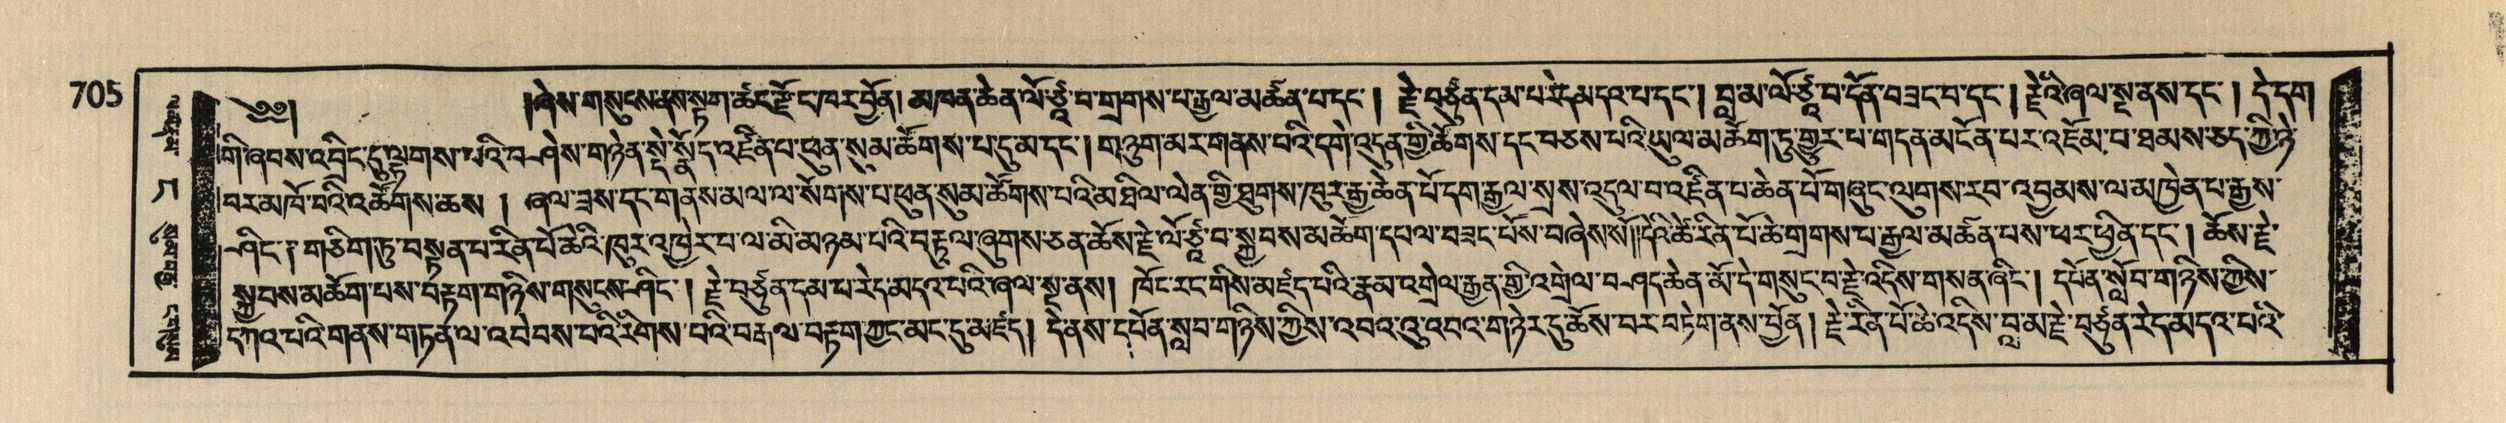༄༅། །ཞེས་གསུངས་ནས་སྟག་ཚང་རྫོང་ཁར་བྱོན། མཁན་ཆེན་ལོ་ཙཱ་བ་གྲགས་པ་རྒྱལ་མཚན་པ་དང་། རྗེ་བཙུན་དམ་པ་རེད་མདའ་པ་དང་། བླ་མ་ལོ་ཙཱ་བ་དོན་བཟང་བ་དང་། རྗེའི་ཞལ་སྔ་ནས་དང་། དེ་དག་
གི་ཞབས་འབྲིང་དུ་ལྷགས་པའི་བཤེས་གཉེན་སྡེ་སྣོད་འཛིན་པ་ཕུན་སུམ་ཚོགས་པ་དུ་མ་དང་། གཉུག་མར་གནས་པའི་དགེ་འདུན་གྱི་ཚོགས་དང་བཅས་པའི་ཡུལ་མཆོག་ཏུ་གྱུར་པ་གདན་མངོན་པར་འཇོམ་པ་ཐམས་ཅད་ཀྱི་ཉེ་
བར་མཁོ་བའི་འཚོགས་ཆས། ཞལ་ཟས་དང་གནས་མལ་ལ་སོགས་པ་ཕུན་སུམ་ཚོགས་པའི་མཐིལ་ལེན་གྱི་ཐུགས་ཁུར་རྒྱ་ཆེན་པོ་དག་རྒྱལ་སྲས་འདུལ་བ་འཛིན་པ་ཆེན་པོ་གཞུང་ལུགས་རབ་འབྱམས་ལ་མཁྱེན་པ་རྒྱས་
ཤིང༑ གཅིག་ཏུ་བསྟན་པ་རིན་པོ་ཆེའི་ཁུར་འཁྱེར་བ་ལ་མི་མཉམ་པའི་བརྟུལ་ཞུགས་ཅན་ཆོས་རྗེ་ལོ་ཙཱ་བ་སྐྱབས་མཆོག་དཔལ་བཟང་པོས་བཞེས་སོ། །དེའི་ཚེ་རིན་པོ་ཆེ་གྲགས་པ་རྒྱལ་མཚན་པས་ཕར་ཕྱིན་དང་། ཆོས་རྗེ་
སྐྱབས་མཆོག་པས་བརྟག་གཉིས་གསུངས་ཤིང་། རྗེ་བཙུན་དམ་པ་རེད་མདའ་པའི་ཞལ་སྔ་ནས། ཁོང་རང་གིས་མཛད་པའི་རྣམ་འགྲེལ་རྒྱན་གྱི་འགྲེལ་བཤད་ཆེན་མོ་དེ་གསུང་བ་རྗེ་འདིས་གསན་ཞིང་། དཔོན་སློབ་གཉིས་ཀྱིས་
དཀའ་པའི་གནས་གཏན་ལ་འབེབས་པའི་རིགས་པའི་བརྟལ་བརྟགས་ཀྱང་མང་དུ་མཛད། དེ་ནས་དཔོན་སླབ་གཉིས་ཀྱིས་འབའ་འུ་འབའ་གཉེར་དུ་ཆོས་བར་བཏེག་ནས་བྱོན། རྗེ་རིན་པོ་ཆེ་འདིས་བླ་མ་རྗེ་བཙུན་རེད་མདའ་པའི་